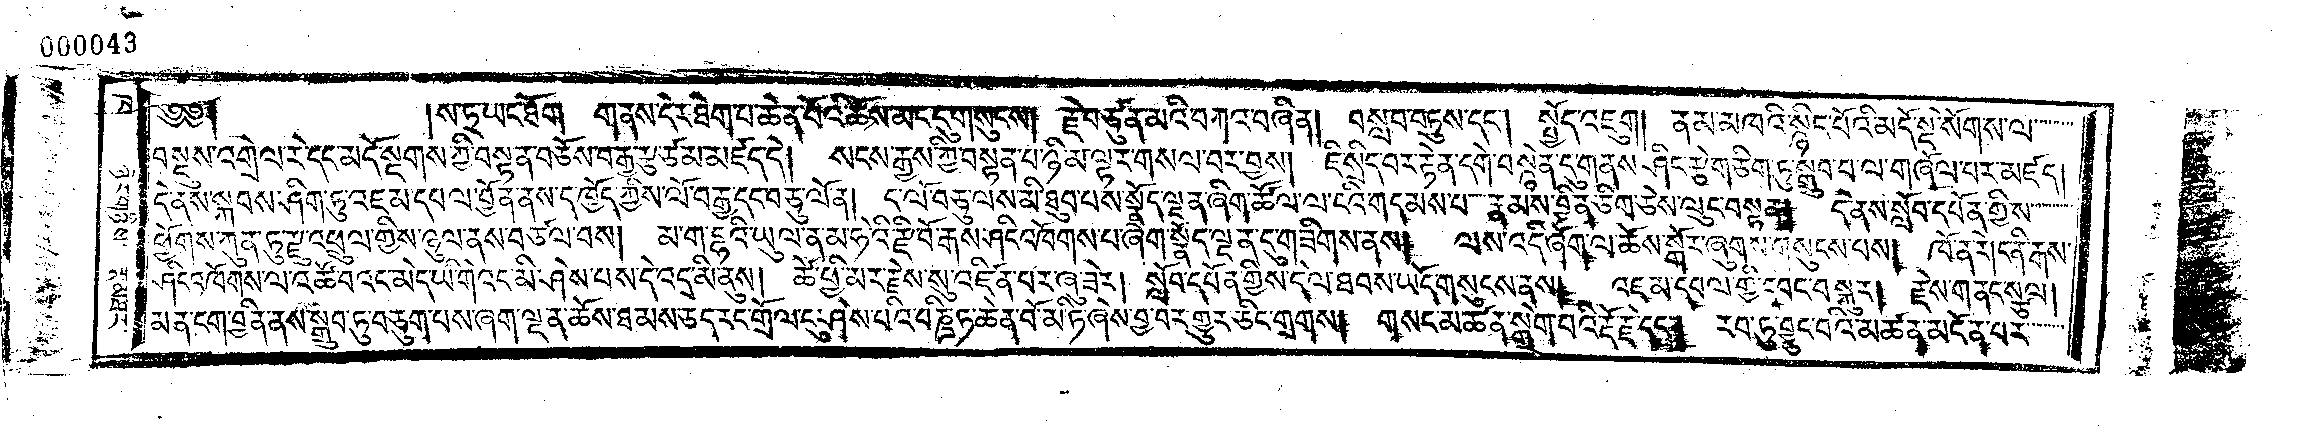༄༅། །ས་ཏྲ་ཡང་ཐོབ། གནས་དེར་ཐེག་པ་ཆེན་པོའི་ཆོས་མང་དུ་གསུངས། རྗེ་བཙུན་མའི་བཀའ་བཞིན། བསླབ་བཏུས་དང་། སྤྱོད་འཇུག། ནམ་མཁའི་སྙིང་པོའི་མདོ་སྡེ་སོགས་ལ་
བསྡུས་འགྲེལ་རེ་དང་མདོ་སྔགས་ཀྱི་བསྟན་བཅོས་བརྒྱ་རྩ་ཙམ་མཛད་དེ། སངས་རྒྱས་ཀྱི་བསྟན་པ་ཉི་མ་ལྟར་གསལ་བར་བྱས། ཇི་སྲིད་བར་རྟེན་དགེ་བསྙེན་དུ་གནས་ཤིང་རྩེ་གཅིག་ཏུ་སྒྲུབ་པ་ལ་གཞོལ་བར་མཛད།
དེ་ནས་སྐབས་ཤིག་ཏུ་འཇམ་དཔལ་བྱོན་ནས་ད་ཁྱོད་ཀྱིས་ལོ་བརྒྱ་དང་བཅུ་ལོན། ང་ལོ་བཅུ་ལས་མི་ཐུབ་པས་སྣོད་ལྡན་ཞིག་ཚོལ་ལ་ངའི་གདམས་པ་རྣམས་བྱིན་ཅིག་ཅེས་ལུང་བསྟན། དེ་ནས་སློབ་དཔོན་གྱིས་
ཕྱོགས་ཀུན་ཏུ་རྫུ་འཕྲུལ་གྱིས་ཉུལ་ནས་བཙལ་བས། མ་ག་དྷའི་ཡུལ་ན་མ་ཧེའི་རྫི་བོ་རྒས་ཤིང་འཁོགས་པ་ཞིག་སྣོད་ལྡན་དུ་གཟིགས་ནས། ལས་འདི་ཞོག་ལ་ཆོས་སྒོར་ཞུགས་གསུངས་པས། ཁོ་ན་རེ། ང་ནི་རྒས་
ཤིང་འཁོགས་ལ་འཚོ་བའང་མེད་ཡི་གེའང་མི་ཤེས་པས་དེ་འདྲ་མི་ནུས། ཚེ་ཕྱི་མར་རྗེས་སུ་འཛིན་པར་ཞུ་ཟེར། སློབ་དཔོན་གྱིས་དེ་ལ་ཐབས་ཡོད་གསུངས་ནས། འཇམ་དཔལ་གྱི་དབང་བསྐུར། རྗེས་གནང་སྩལ།
མན་ངག་བྱིན་ནས་སྒྲུབ་ཏུ་བཅུག་པས་ཞག་ལྔ་ན་ཆོས་ཐམས་ཅད་རང་གྲོལ་དུ་ཤེས་པའི་པཎྜི་ཏ་ཆེན་པོ་མ་ཏི་ཞེས་བྱ་བར་གྱུར་ཅིང་གྲགས། གསང་མཚན་སྒེག་པའི་རྡོ་རྗེ་དང་། རབ་ཏུ་བྱུང་བའི་མཚན་མངོན་པར་